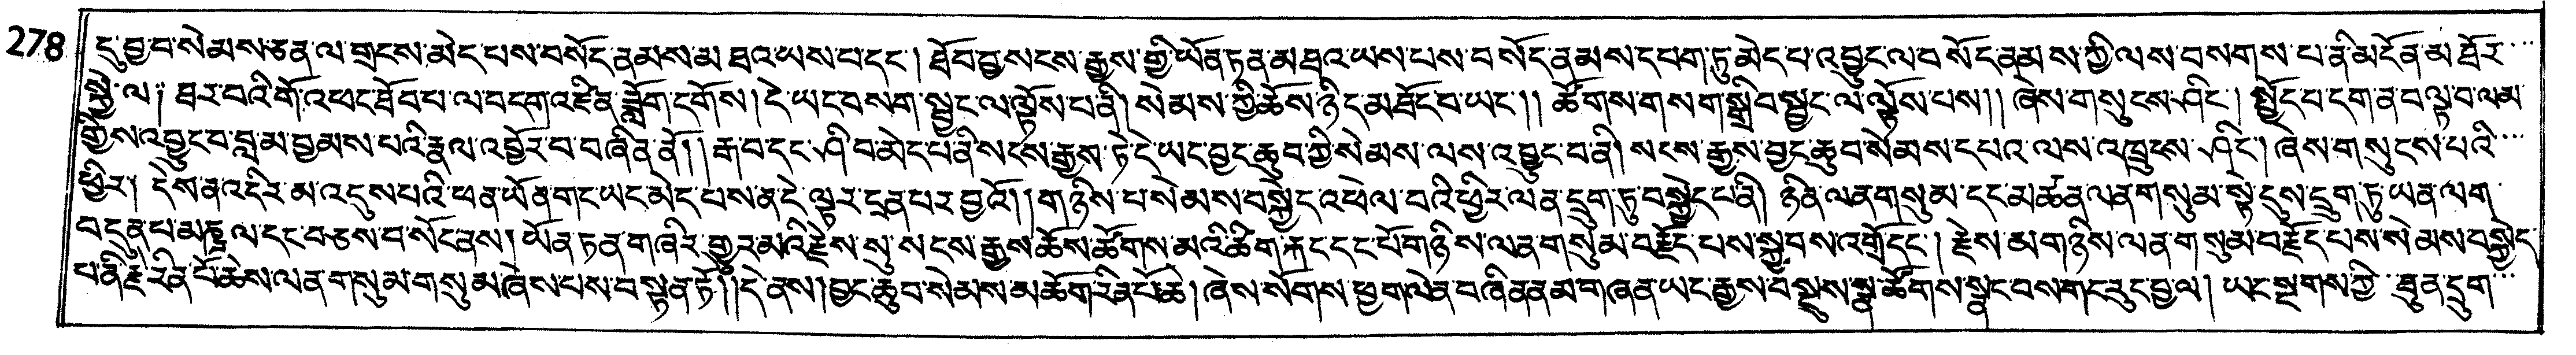དུ་བྱ་བ་སེམས་ཅན་ལ་གྲངས་མེད་པས་བསོད་ནམས་མཐའ་ཡས་པ་དང་། ཐོབ་བྱ་སངས་རྒྱས་གྱི་ཡོན་ཏན་མཐའ་ཡས་པས་བསོད་ནམས་དཔག་ཏུ་མེད་པ་འབྱུང་ལ་བསོད་ནམས་ཀྱི་ལས་བསགས་པ་ནི་མངོན་མཐོར་
སྐྱེ་ལ༑ ཐར་བའི་གོ་འཕང་ཐོབ་པ་ལ་བདག་འཛིན་ཟློག་དགོས། དེ་ཡང་བསག་སྦྱང་ལ་ལྟོས་པ་ནི། སེམས་ཀྱི་ཆོས་ཉིད་མཐོང་བ་ཡང་། །ཚོགས་གསག་སྒྲིབ་སྦྱང་ལ་ལྟོས་པས། །ཞེས་གསུངས་ཤིང་། སྤྱོད་པ་དག་ན་བལྟ་བ་ལམ་
གྱིས་འབྱུང་བ་བླ་མ་བྱམས་པའི་རྣལ་འབྱོར་བ་བཞིན་ནོ། །རྒ་བ་དང་ཤི་བ་མེད་པ་ནི་སངས་རྒྱས་ཏེ་དེ་ཡང་བྱང་ཆུབ་ཀྱི་སེམས་ལས་འབྱུང་བ་ནི། སངས་རྒྱས་བྱང་ཆུབ་སེམས་དཔའ་ལས་འཁྲུངས་ཤིང་། ཞེས་གསུངས་པའི་
ཕྱིར༑ དེས་ན་འདིར་མ་འདུས་པའི་ཕན་ཡོན་གང་ཡང་མེད་པས་ན་དེ་ལྟར་དྲན་པར་བྱའོ། །གཉིས་པ་སེམས་བསྐྱེད་འཕེལ་བའི་ཕྱིར་ལན་དྲུག་ཏུ་བསྐྱེད་པ་ནི། ཉིན་ལན་གསུམ་དང་མཚན་ལན་གསུམ་སྟེ་དུས་དྲུག་ཏུ་ཡན་ལག་
བདུན་པ་མཎྜལ་དང་བཅས་བ་སོང་ནས། ཡོན་ཏན་གཞིར་གྱུར་མའི་རྗེས་སུ་སངས་རྒྱས་ཆོས་ཚོགས་མའི་ཚིག་རྐང་དང་པོ་གཉིས་ལན་གསུམ་བརྗོད་པས་སྐྱབས་འགྲོ་དང་། རྗེས་མ་གཉིས་ལན་གསུམ་བརྗོད་པས་སེམས་བསྐྱེད་
པ་ནི་རྗེ་རིན་པོ་ཆེས་ལན་གསུམ་གསུམ་ཞེས་པས་བསྟན་ཏོ། །དེ་ནས། བྱང་ཆུབ་སེམས་མཆོག་རིན་པོ་ཆེ། ཞེས་སོགས་ཕྱག་ལེན་བཞིན་ནམ་གཞན་ཡང་རྒྱས་བསྡུས་སྣ་ཚོགས་སྣང་བས་གང་རུང་བྱ་ལ། ཡང་སྔགས་ཀྱི་ཐུན་དྲུག་